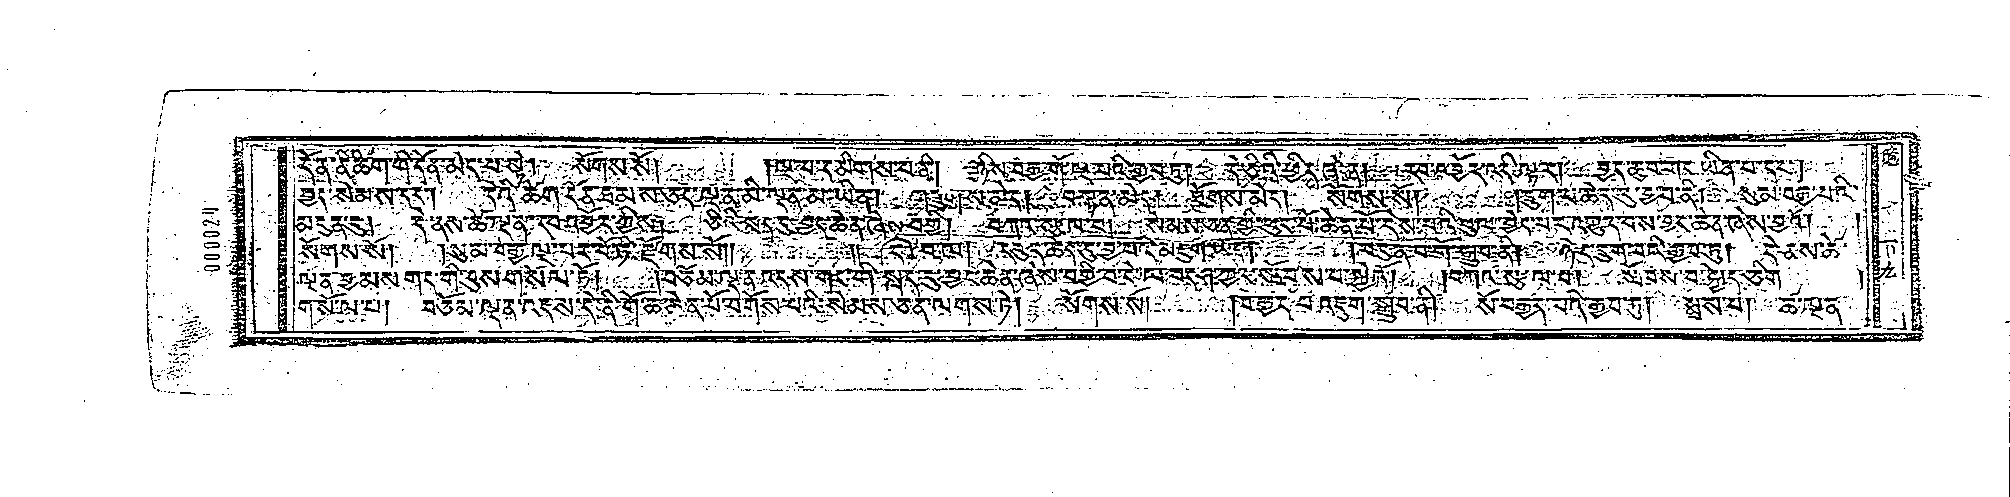དོན་ནི་ཚིག་གི་དོན་མེད་པ་སྟེ། སོགས་སོ། །ལྔ་པ་དམིགས་པ་ནི། ཉིས་བརྒྱ་གོ་ལྔ་པའི་རྒྱབ་ཏུ། དེ་ཅིའི་ཕྱིར་ཞེ་ན། རབ་འབྱོར་འདི་ལྟར། བྱང་ཆུབ་གང་ཡིན་པ་དང་།
བྱང་སེམས་དང་། དེའི་ཚིག་དོན་ཐམས་ཅད་ལྡན་མི་ལྡན་མ་ཡིན། གཟུགས་མེད། བསྟན་མེད། ཐོགས་མེད། སོགས་སོ། །དྲུག་པ་ཆེད་དུ་བྱ་བ་ནི། སུམ་བརྒྱ་པའི་
མདུན་དུ། དེ་ནས་ཚེ་ལྡན་རབ་འབྱོར་གྱིས། ཅིའི་སླད་དུ་བྱང་ཆེན་ཞེས་བགྱི། བཀའ་སྩལ་པ། སེམས་ཅན་གྱི་ཕུང་པོ་ཆེན་པོ་ངེས་པའི་ཕུལ་བྱེད་པར་འགྱུར་བས་བྱང་ཆེན་ཞེས་བྱའོ། །
སོགས་སོ། །སུམ་བརྒྱ་ལྔ་པར་པོ་ཏི་རྫོགས་སོ།། །།ང྄་བ་ལ། དབུར་ཆེད་དུ་བྱ་པའི་མཇུག་ཡོད། །བདུན་པ་གོ་སྒྲུབ་ནི། ཉེར་དྲུག་པའི་རྒྱབ་ཏུ། དེ་ནས་ཚེ་
ལྡན་བྱམས་གང་གི་བུས་གསོལ་ཏོ། །བཅོམ་ལྡན་འདས་གང་གི་སླད་དུ་བྱང་ཆེན་ཞེས་བགྱི་བ་དེ་ལ་བད་ཤ་ཀྱང་སྤོབས་པ་སྐྱེའོ། །བཀའ་སྩལ་པ། སྤོབས་བ་སྐྱེད་ཅིག །
གསོལ་པ། བཅོམ་ལྡན་འདས་དེ་ནི་གོ་ཆ་ཆེན་པོ་བགོས་པའི་སེམས་ཅན་ལགས་ཏེ། སོགས་སོ། །བརྒྱད་པ་འཇུག་སྒྲུབ་ནི། སོ་བརྒྱད་པའི་རྒྱབ་ཏུ། སྨྲས་པ། ཚེ་ལྡན་